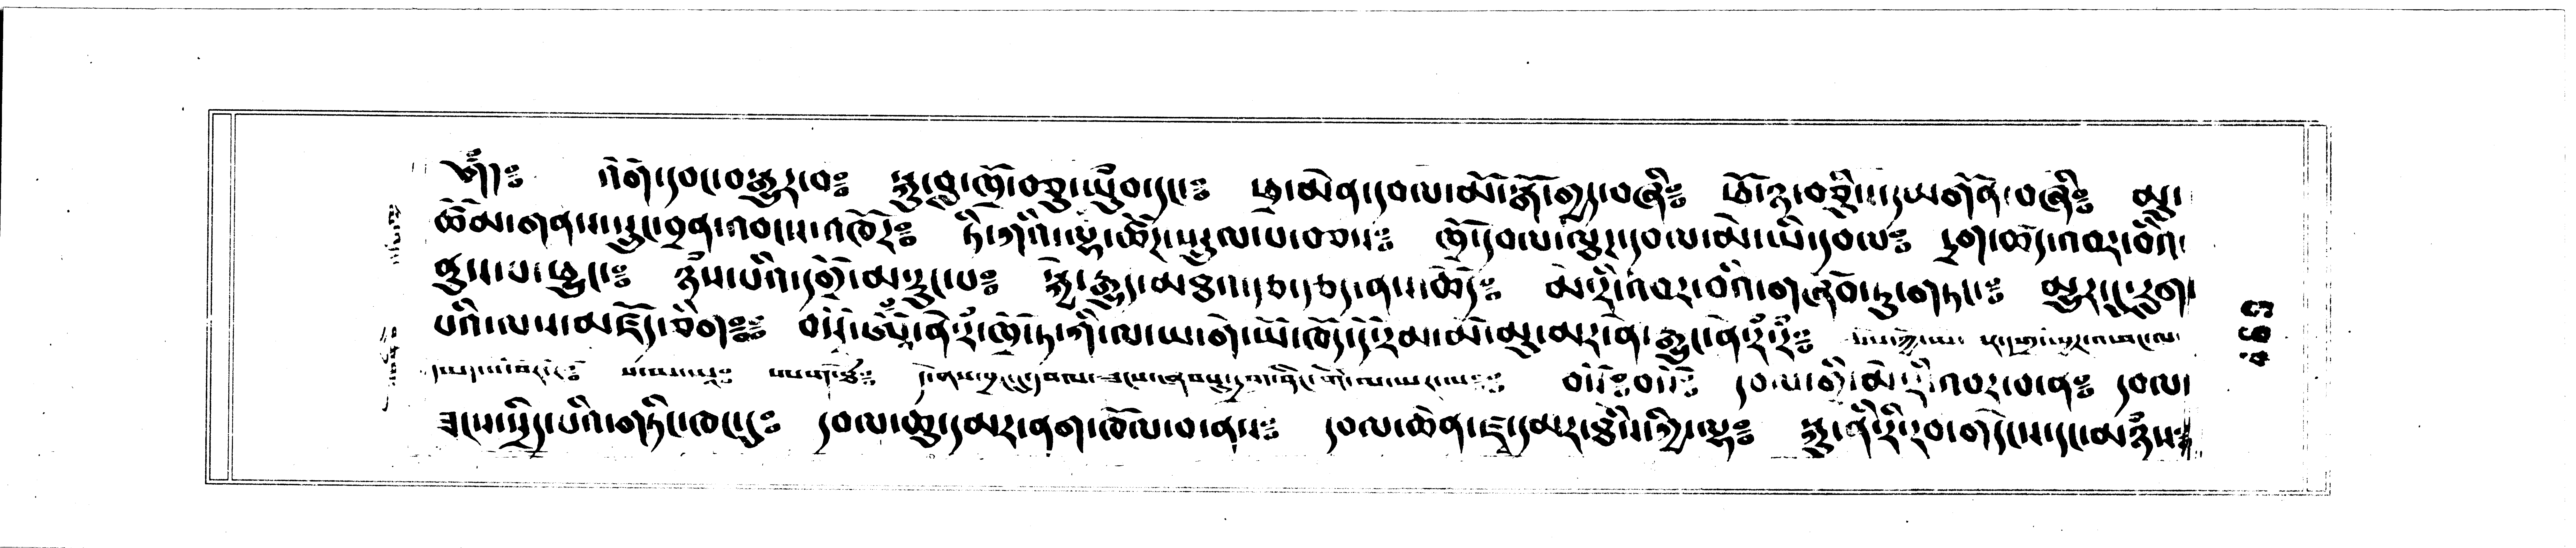༅།༔༔འོག་དབང་བསྒྱུར་བ༔སྐུ་བླ་ཁྲོ་བཅུ་ཡབ་ཡུམ་དང་༔ཕྲ་མེན་དབལ་མོ་སྒོ་གྱད་བཞི༔ཕོ་ཉ་བཅུ་གཉིས་དམག་དཔོན་བཞི༔ མུ་
ཚོམ་གནས་སྲུང་བྲན་འབངས་འཁོར༔ཏི་ཀའི་ལྷ་ཚོགས་སྤྲུལ་པ་བཅས༔ཁྲོ་དབལ་ལྕགས་དབལ་མེ་ཡི་དབལ༔དྲག་ཚད་འབར་བའི་
ནུས་པ་ཕྱུང་༔ཉམས་པའི་དགྲ་བོ་མ་རུང་པ༔སྐྱེ་རྒྱུད་མཐའ་རྩ་རྩད་ནས་ཆོད༔མེ་རི་འབར་བའི་གཞོབ་ཏུ་གཏང་༔མྱུར་དུ་རླག་
པའི་ལས་མཛོད་ཅིག༔༔བསྭོ་ཨཱོཾ་ནེ་རཾ་ཁྲོ་ཏ་ཀི་ལ་ཡ་གེ་ཡོ་ཁོད་དོ་རམ་མོ་མུ་མར་ནེ་རྒྱུང་ནེ་རཾ་རཾ༔ཅེས་ཀྱི་གཏོར་མ་དགྲ་ཕྱོགས་འཕང་ལ་
དམོད་པོ་བོར་རོ༔ས་མ་ཡཱ༔ཨག་ཐཾ༔དེ་ནས་བྲང་དུ་དབལ་ཟངས་ཞབས་སུ་དྲག་ཤིང་གི་མེ་སྤར་ལ༔༔བསྭོ་༔བསྭོ༔དབལ་གྱི་མེ་རི་འབར་བ་ན༔དབལ་
ཟངས་སྲིད་པའི་གཏིང་ཁང་དུ༔དབལ་ཆུ་དམར་ནག་ཁོལ་བ་ནས༔དབལ་ཆེན་ཛྭ་དམར་ཐིས་ཀྱི་ལྷ༔ སྐུ་ནི་རི་རབ་གདེངས་དང་མཉམས༔